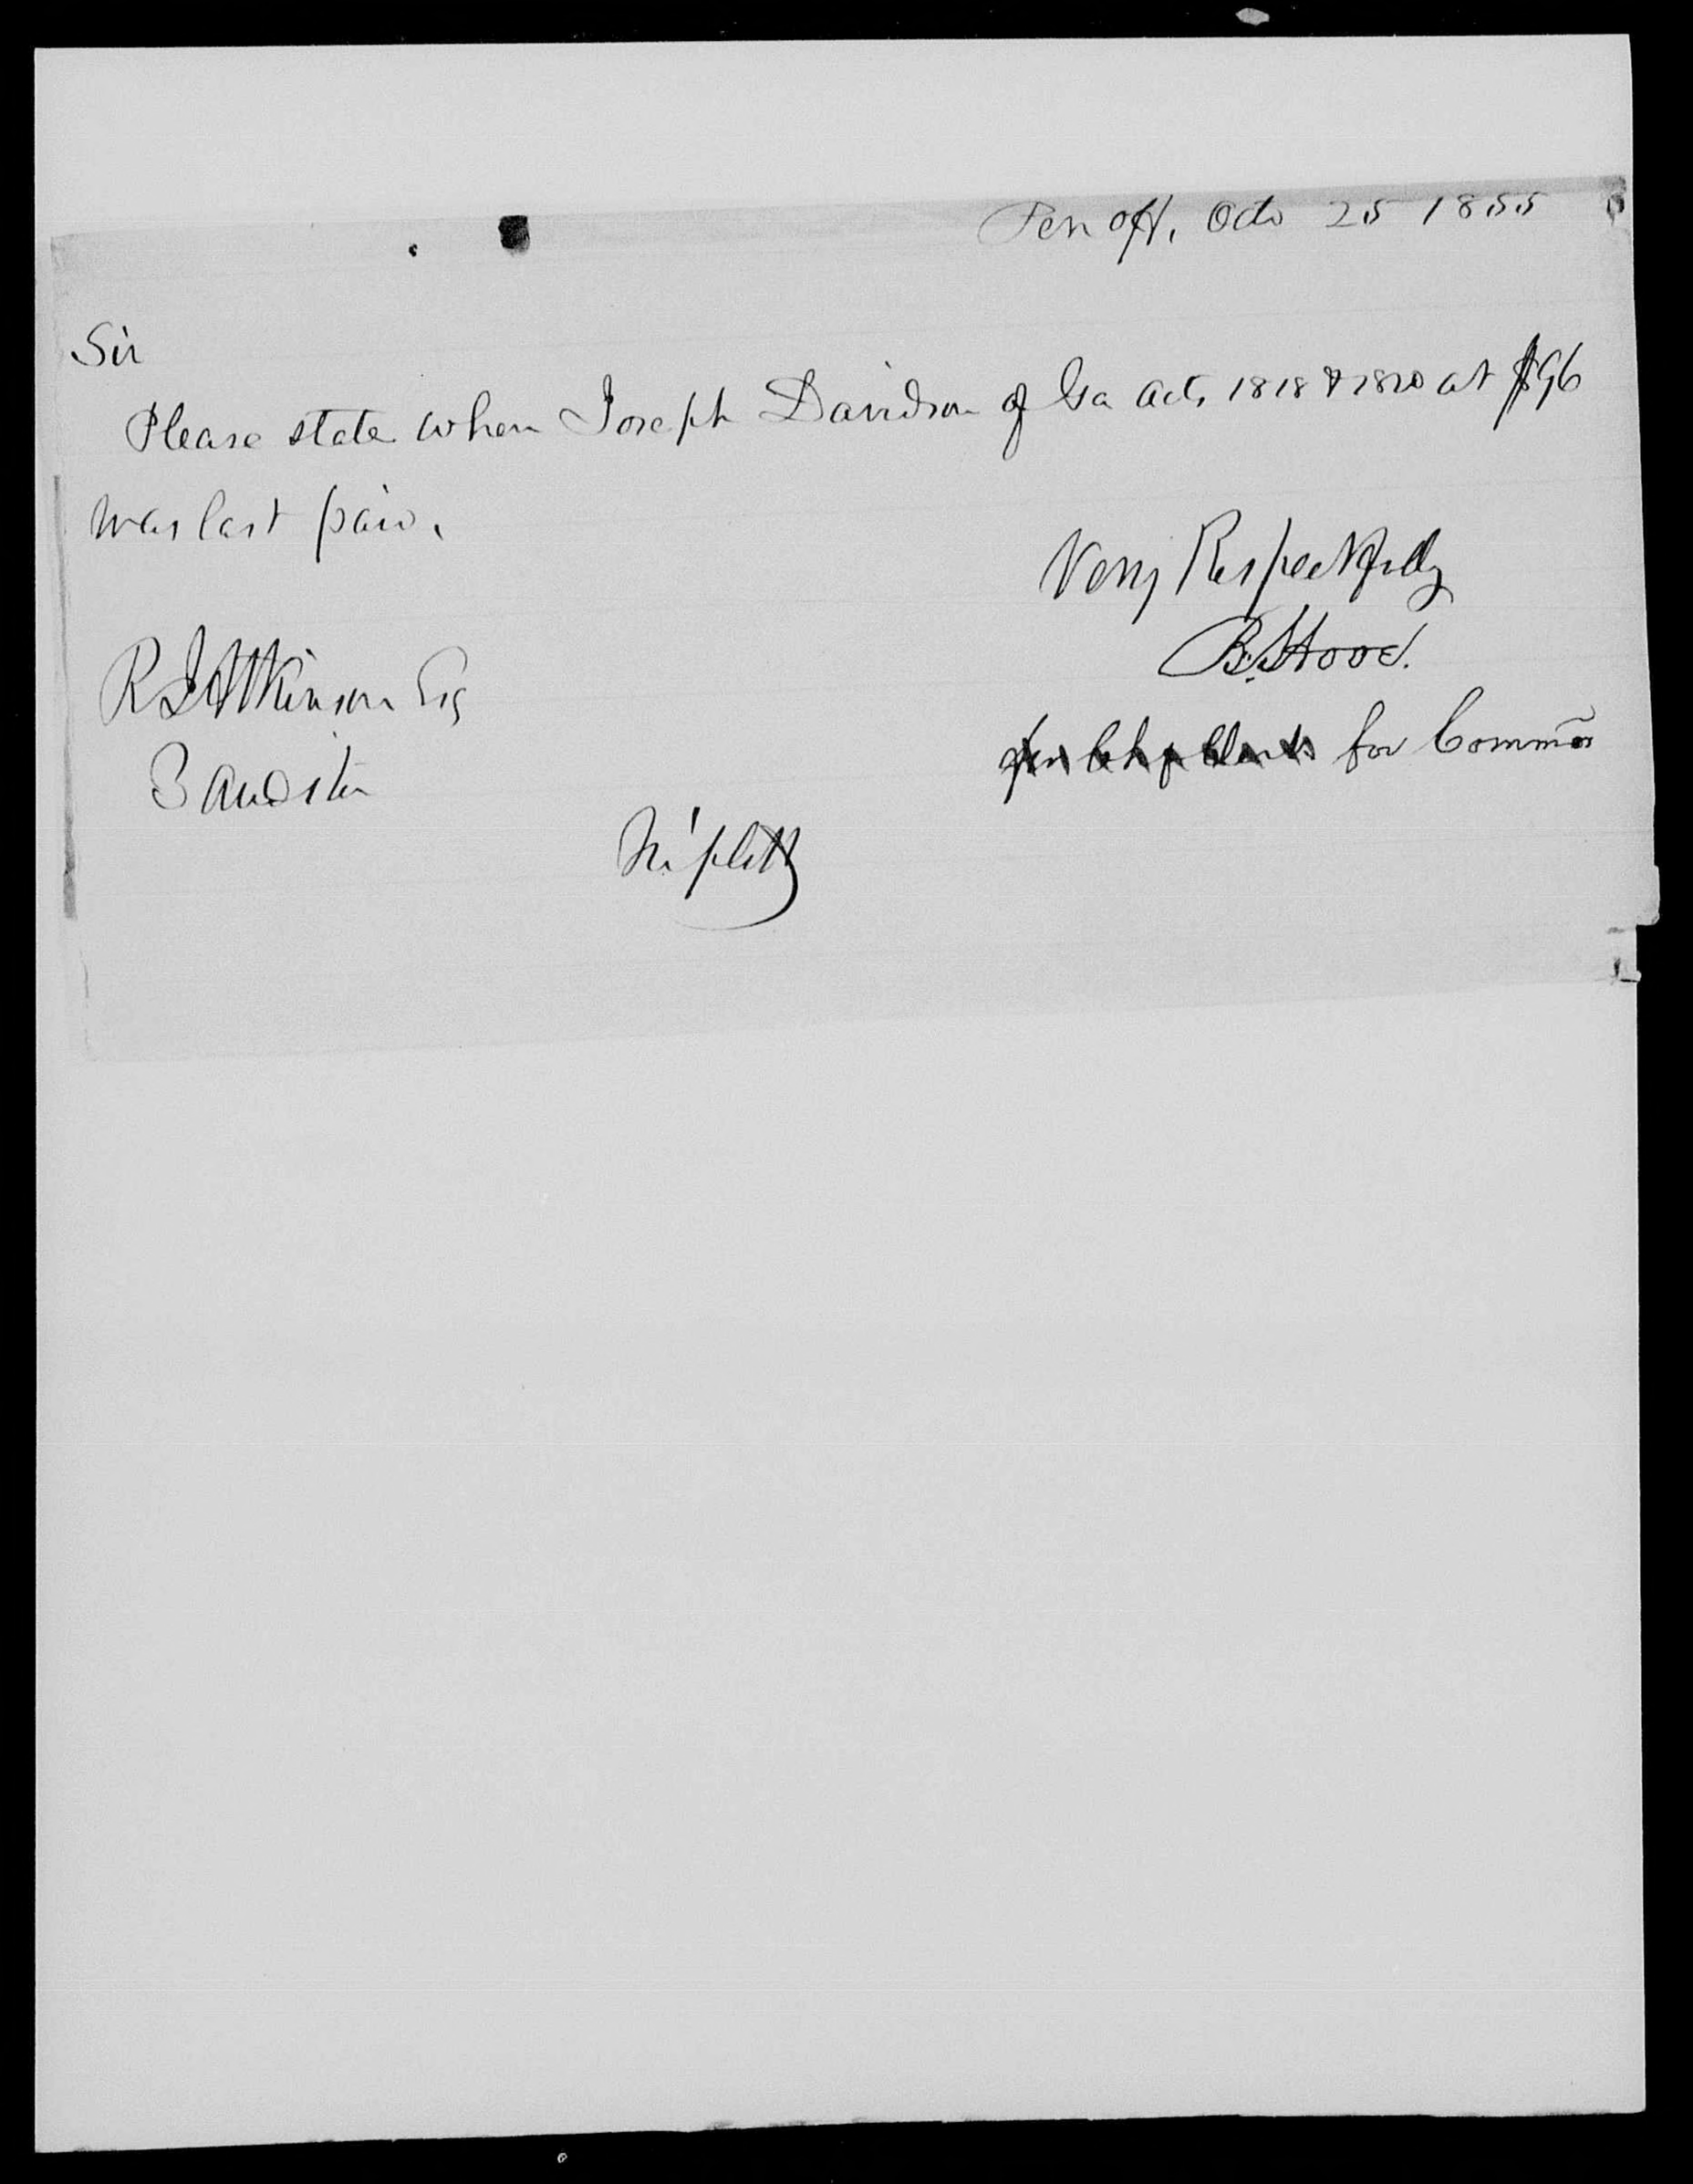Pension office October 25 1855

Sir

Please state when Joseph Davidson of Georgia Act 1818 and 1820 at $96 was last paid.

Very Respectfully
B. S. Hood
[illegible] for Commissioner

R Atkinson Esquire
B. Auditor 

Niplett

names: R J Atkinson, B Hooe, Joseph Davidson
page: 46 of 63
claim: widow's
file: W. 4175, Joseph Davidson, N.C.